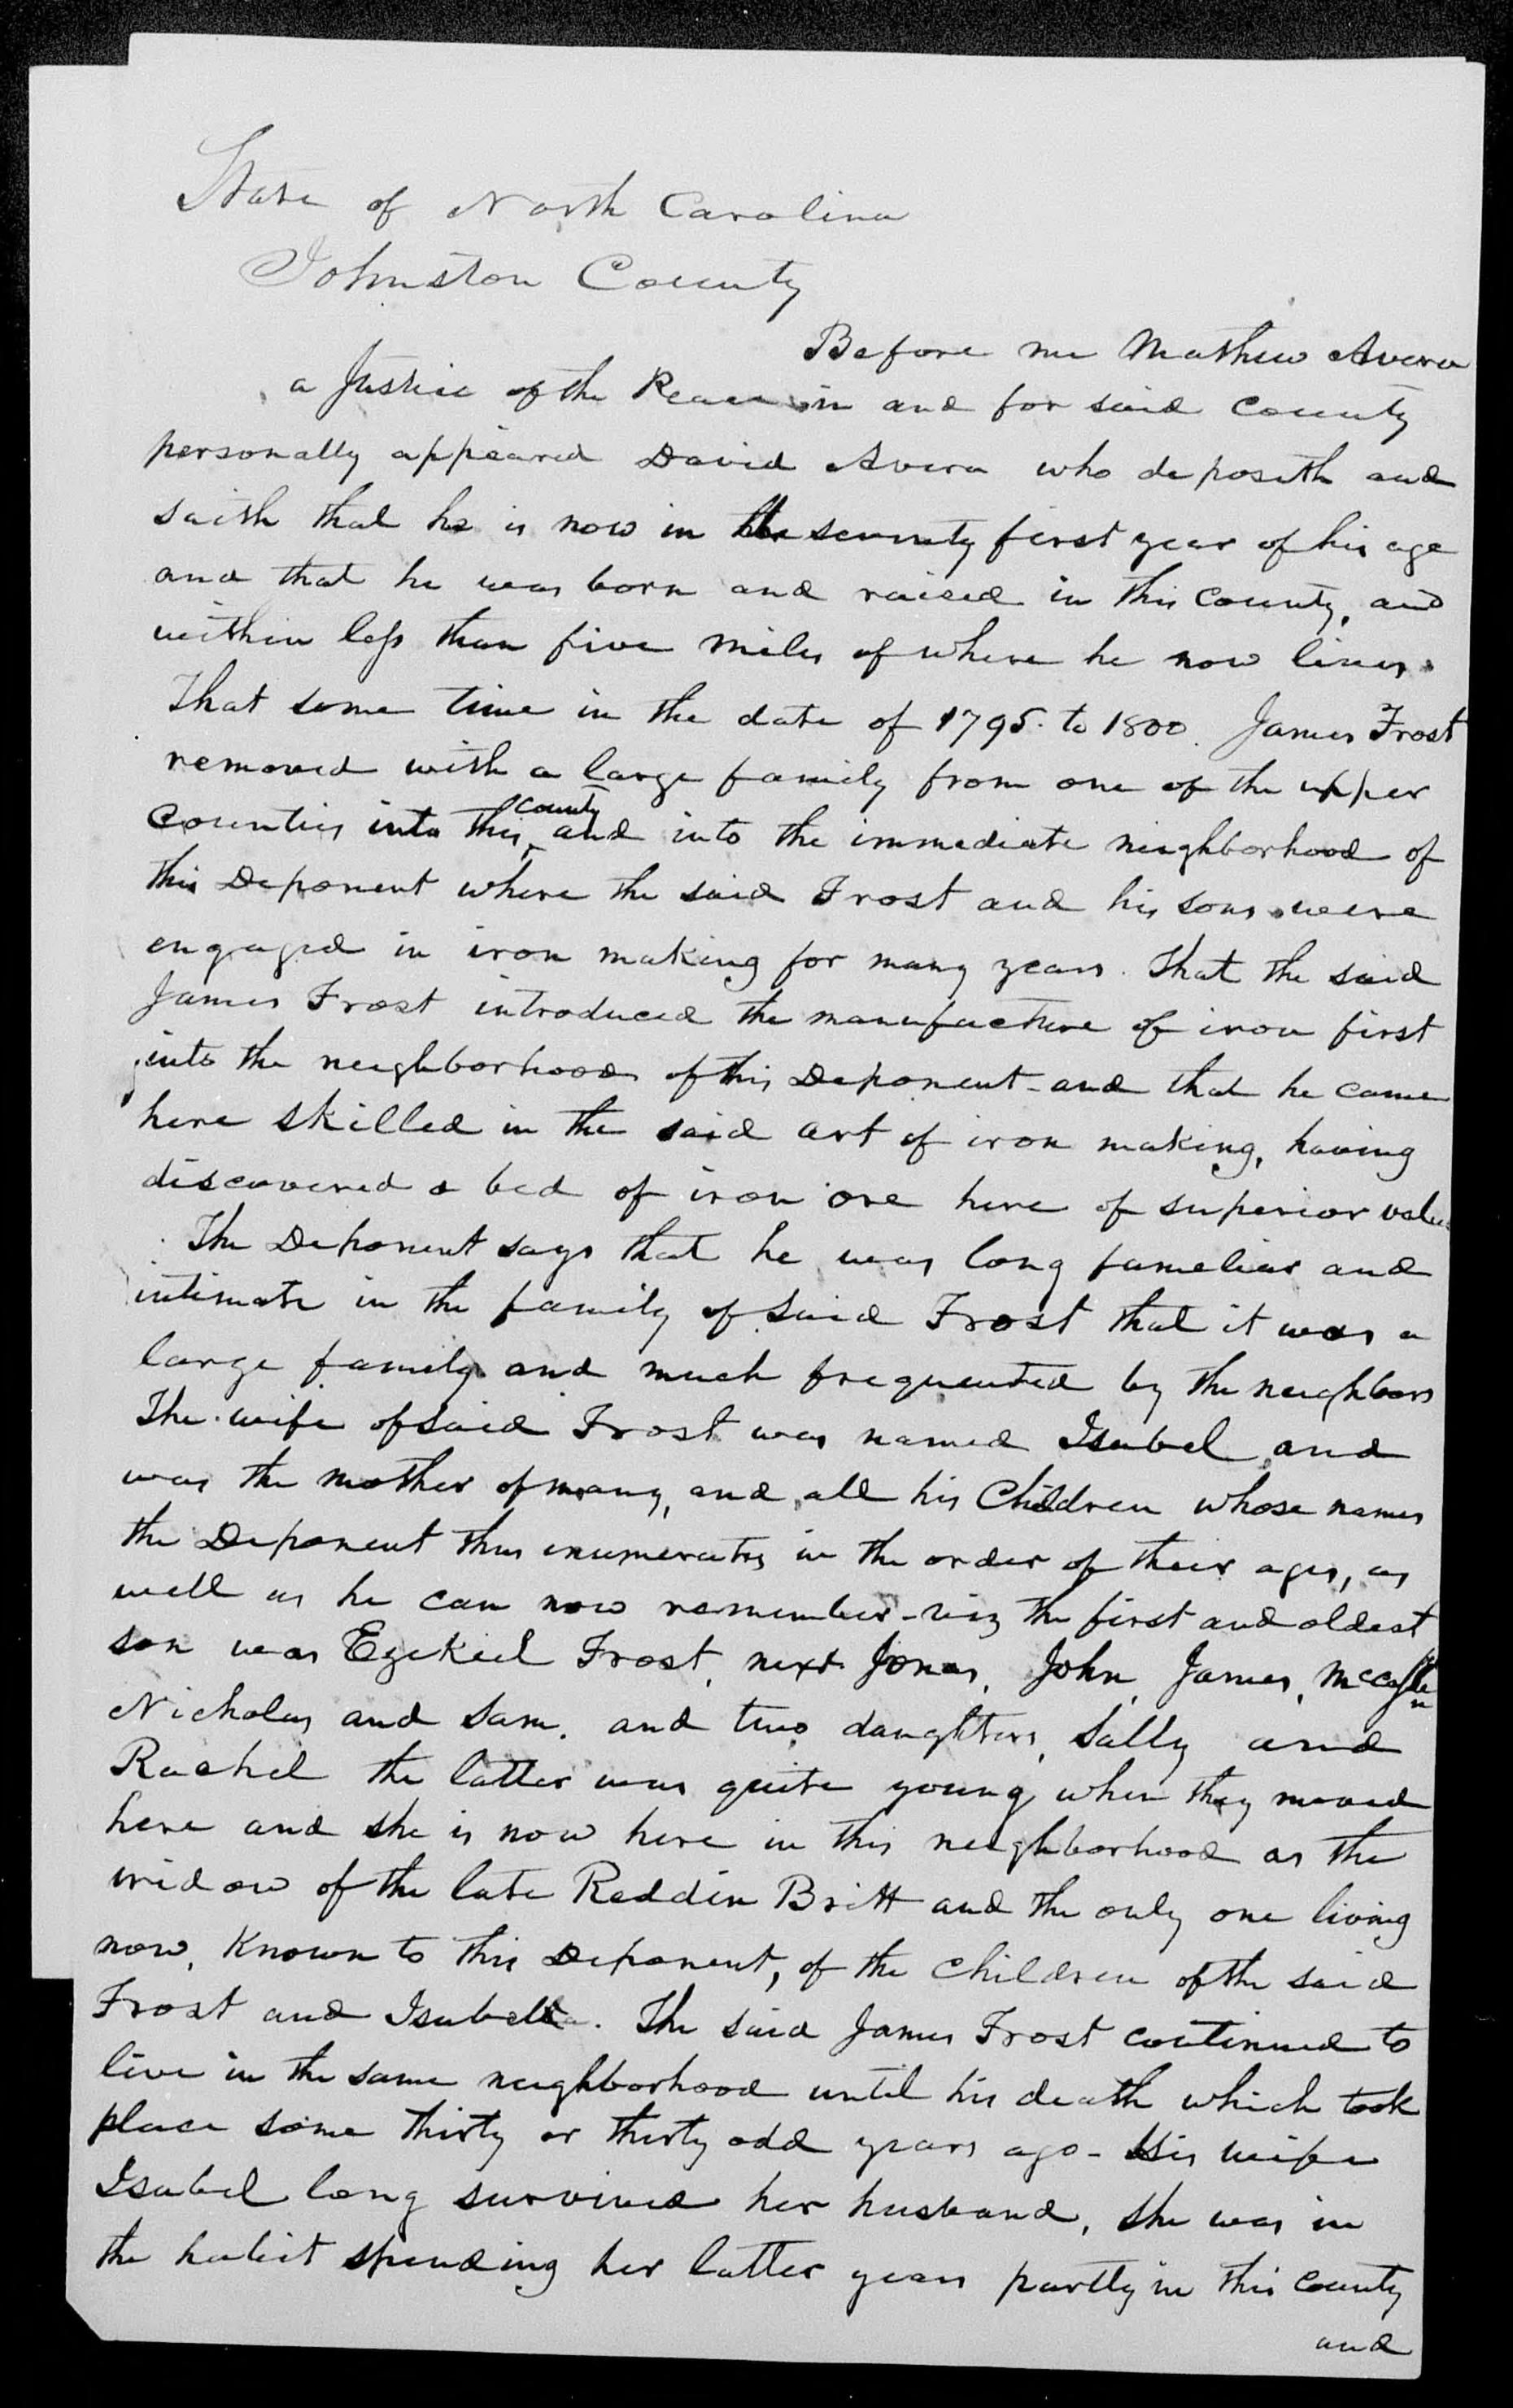State of North Carolina}
Johnston County}
I Thomas Bagley clerk of the Court of Pleas and Quarter Sessions in and for said county do herby certify that the foregoing are the original proceedings had in the matter of the application of Mrs. Rachal Britt for the arrears of pension due to her mother Mrs. Isabela Frost. I further certify that satisfactory evidence was then and there exhibited. [unreadable] Mrs. Isabela Frost and was the widow of Captain James Frost who was an officer of Revolutionary War and that she died the 1st October 1837 that Mrs. Rachel Britt who has made this foregoing declaration is the only child surviving Mrs. Isabella Frost that she is now and has heretofore been of highly respectable character and full faith and credit are due to all her statements, I further certify that Aaington Aucra whose deposition is hereto annexed is a man of highly respectable character and is fully as old as he states and that full faith and credit are due his statements all of which is ordered to be certified to the war department. 
In testimony whereof I have unto set my hand and affix the seal of said court, at Smithfield the 26th of May 1847 
Thomas Bagley [seal]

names: Ezekiel Frost, John, Reddin Britt, Sam, Frost, Sally, Mathew Avera, James Frost, Rachel, Frost, James, James Frost, Nicholas, Frost, Isabel, Jonas, James Frost, Isabella, Frost, David Avera, Mc Cassle, Isabel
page: 9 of 15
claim: rejected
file: R. 3815, James Frost, N.C.